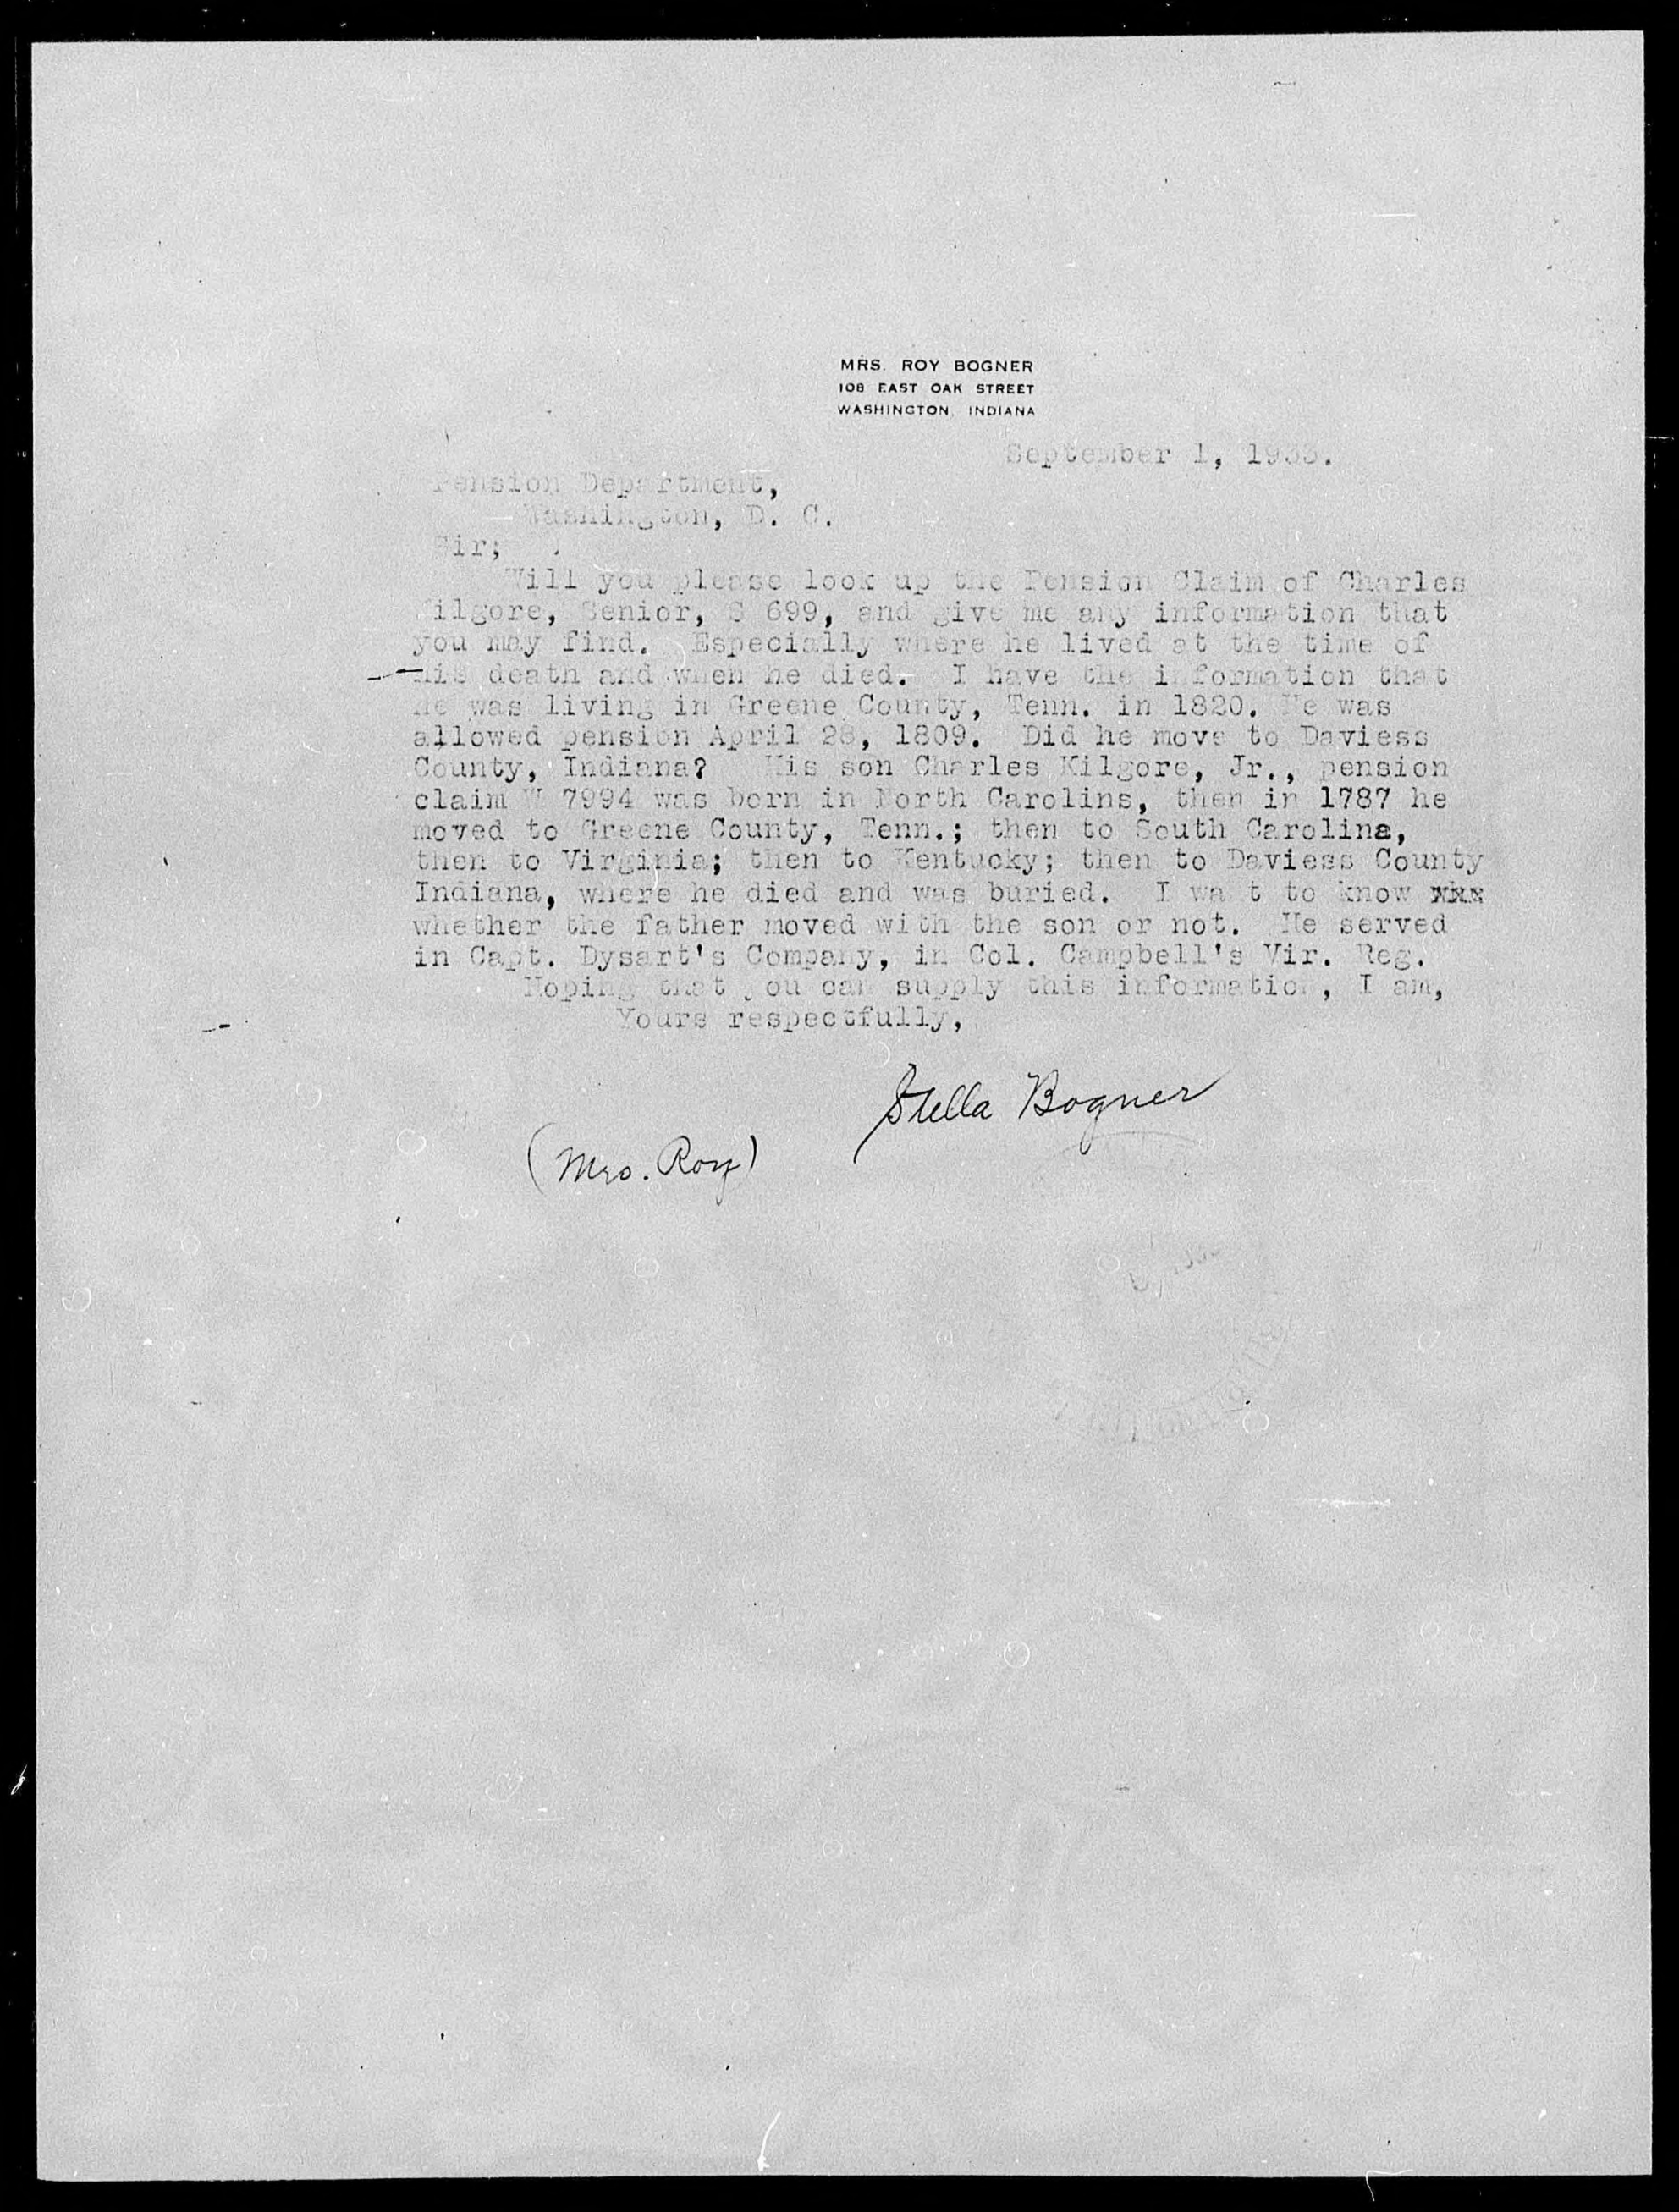MRS. ROY BOGNER
100 EAST OAK STREET
WASHINGTON, INDIANA
September 1, 1933.

Pension Department,
Washington, D. C.

Sir;
Will you please look up the Pension Claim of Charles Kilgore, Senior, S 699, and give me any information that you may find. Especially where he lived at the time of death and when he died. I have the information that was living in Greene County, Tenn, in 1820. He was allowed pension April 28, 1809. Did he move to Daviess County, Indiana? His son Charles Kilgore, Jr., pension claim W. 7994 was born in North Carolina, then in 1787 he moved to Greene County, Tenn.; then to South Carolina, then to Virginia; then to Kentucky; then to Daviess County Indiana, where he died and was buried. I want to know whether the father moved with the son or not. He served in Capt. Dysart's Company, in Col. Campbell's Vir. Reg.
Hoping that you can supply this information, I am,
Yours respectfully,
Stella Bogner
(Mrs. Roy)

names: Roy Bogner; Stella Bogner; Charles Kilgore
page: 30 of 115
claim: survivor's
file: S. 699, for Charles Kilgore, Virginia